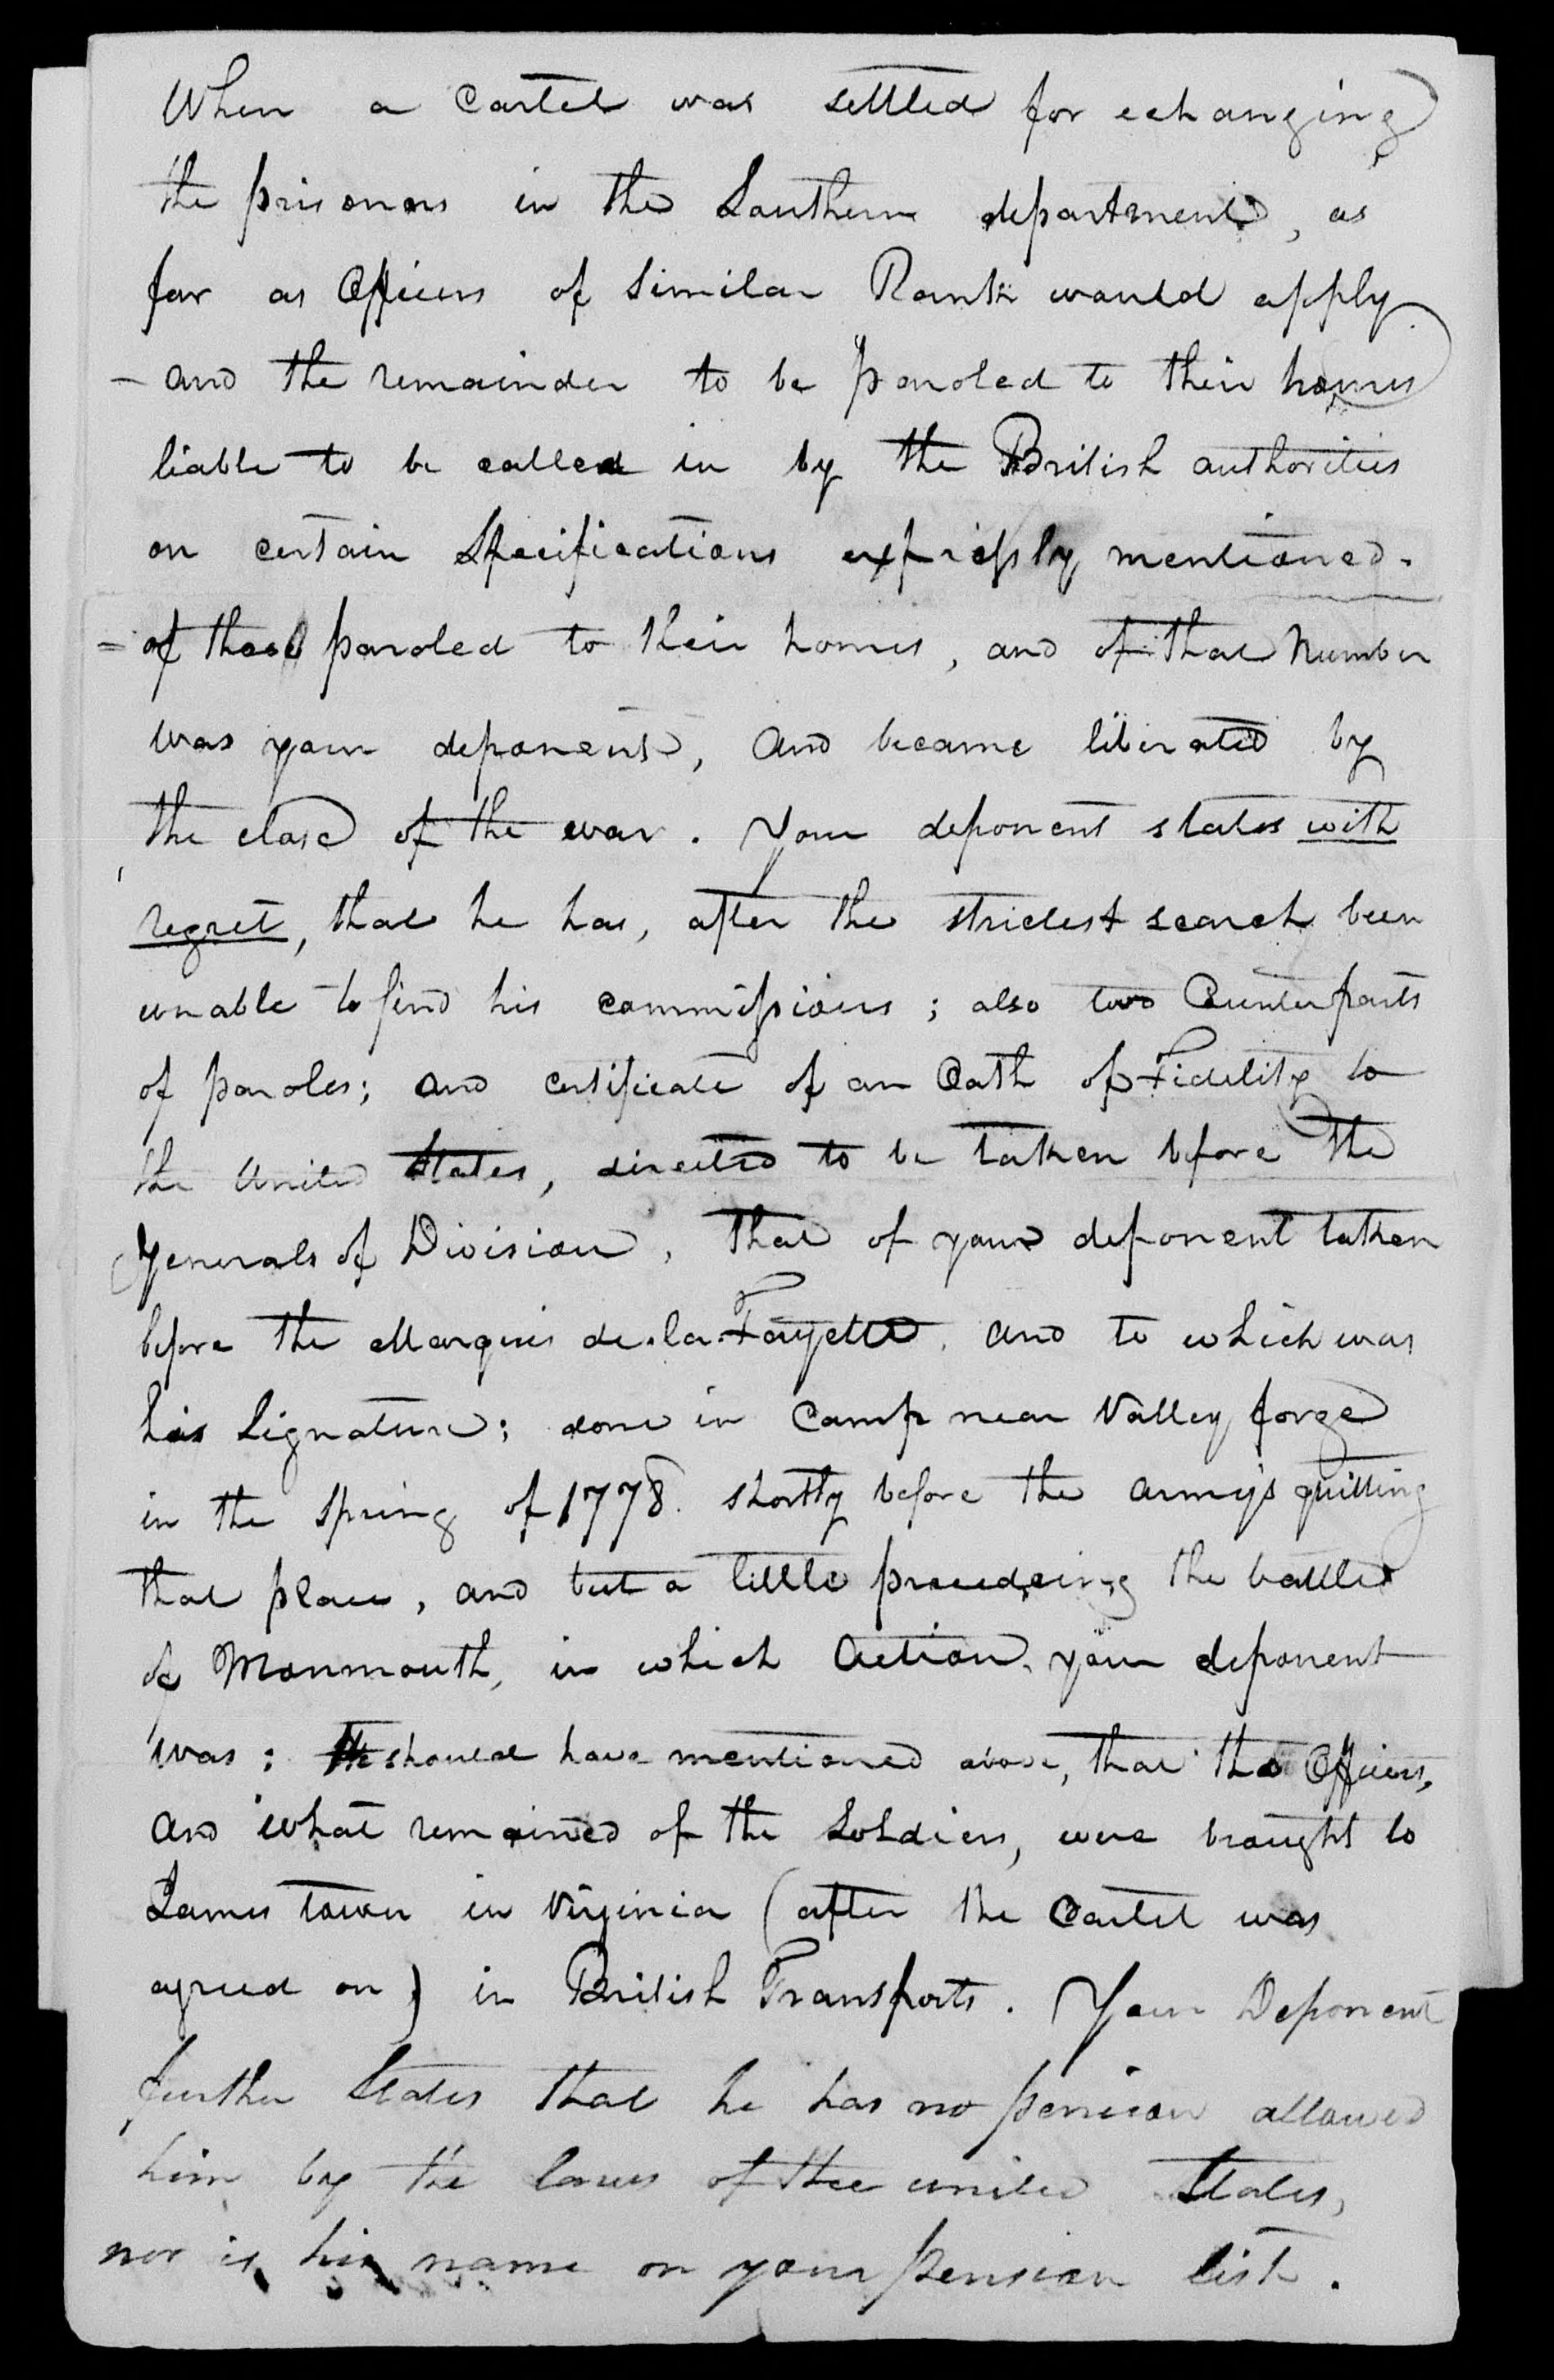When a cartel was settled for exchanging
the prisoners in the Southern department, as
far as Officers of Similar Rank would apply
- and the remainder to be paroled to their homes
liable to be called in by the British authorities
on certain specifications expressly mentioned,
of those paroled to their homes, and of that number
was your deponent, and became liberated by the close of the war. Your deponent states with
regret, that he has, after the strictest search been
unable to find his commissions; also two Counterparts
of paroles; and certificate of an Oath of Fidelity to
the United States, directed to be taken before the
Generals of Division, that of your deponent taken
before the Marquis de laFayette, and to which was
his Signature; done in camp near Valley Forge
in the spring of 1778 shortly before the army's quitting
that place, and but a little preceding the battle of Monmouth, in which action your deponent
was; He should have mentioned above, that the Officers,
and what remained of the Soldiers, were brought to
James Town in Virginia (after the cartel was
agreed  on) in British Transports. Your Deponent 
further states that he has no pension allowed
him by the laws of the united States,
nor is his name on your pension lists.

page: 5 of 32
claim: survivor's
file: S. 44230, James Curry, Va.